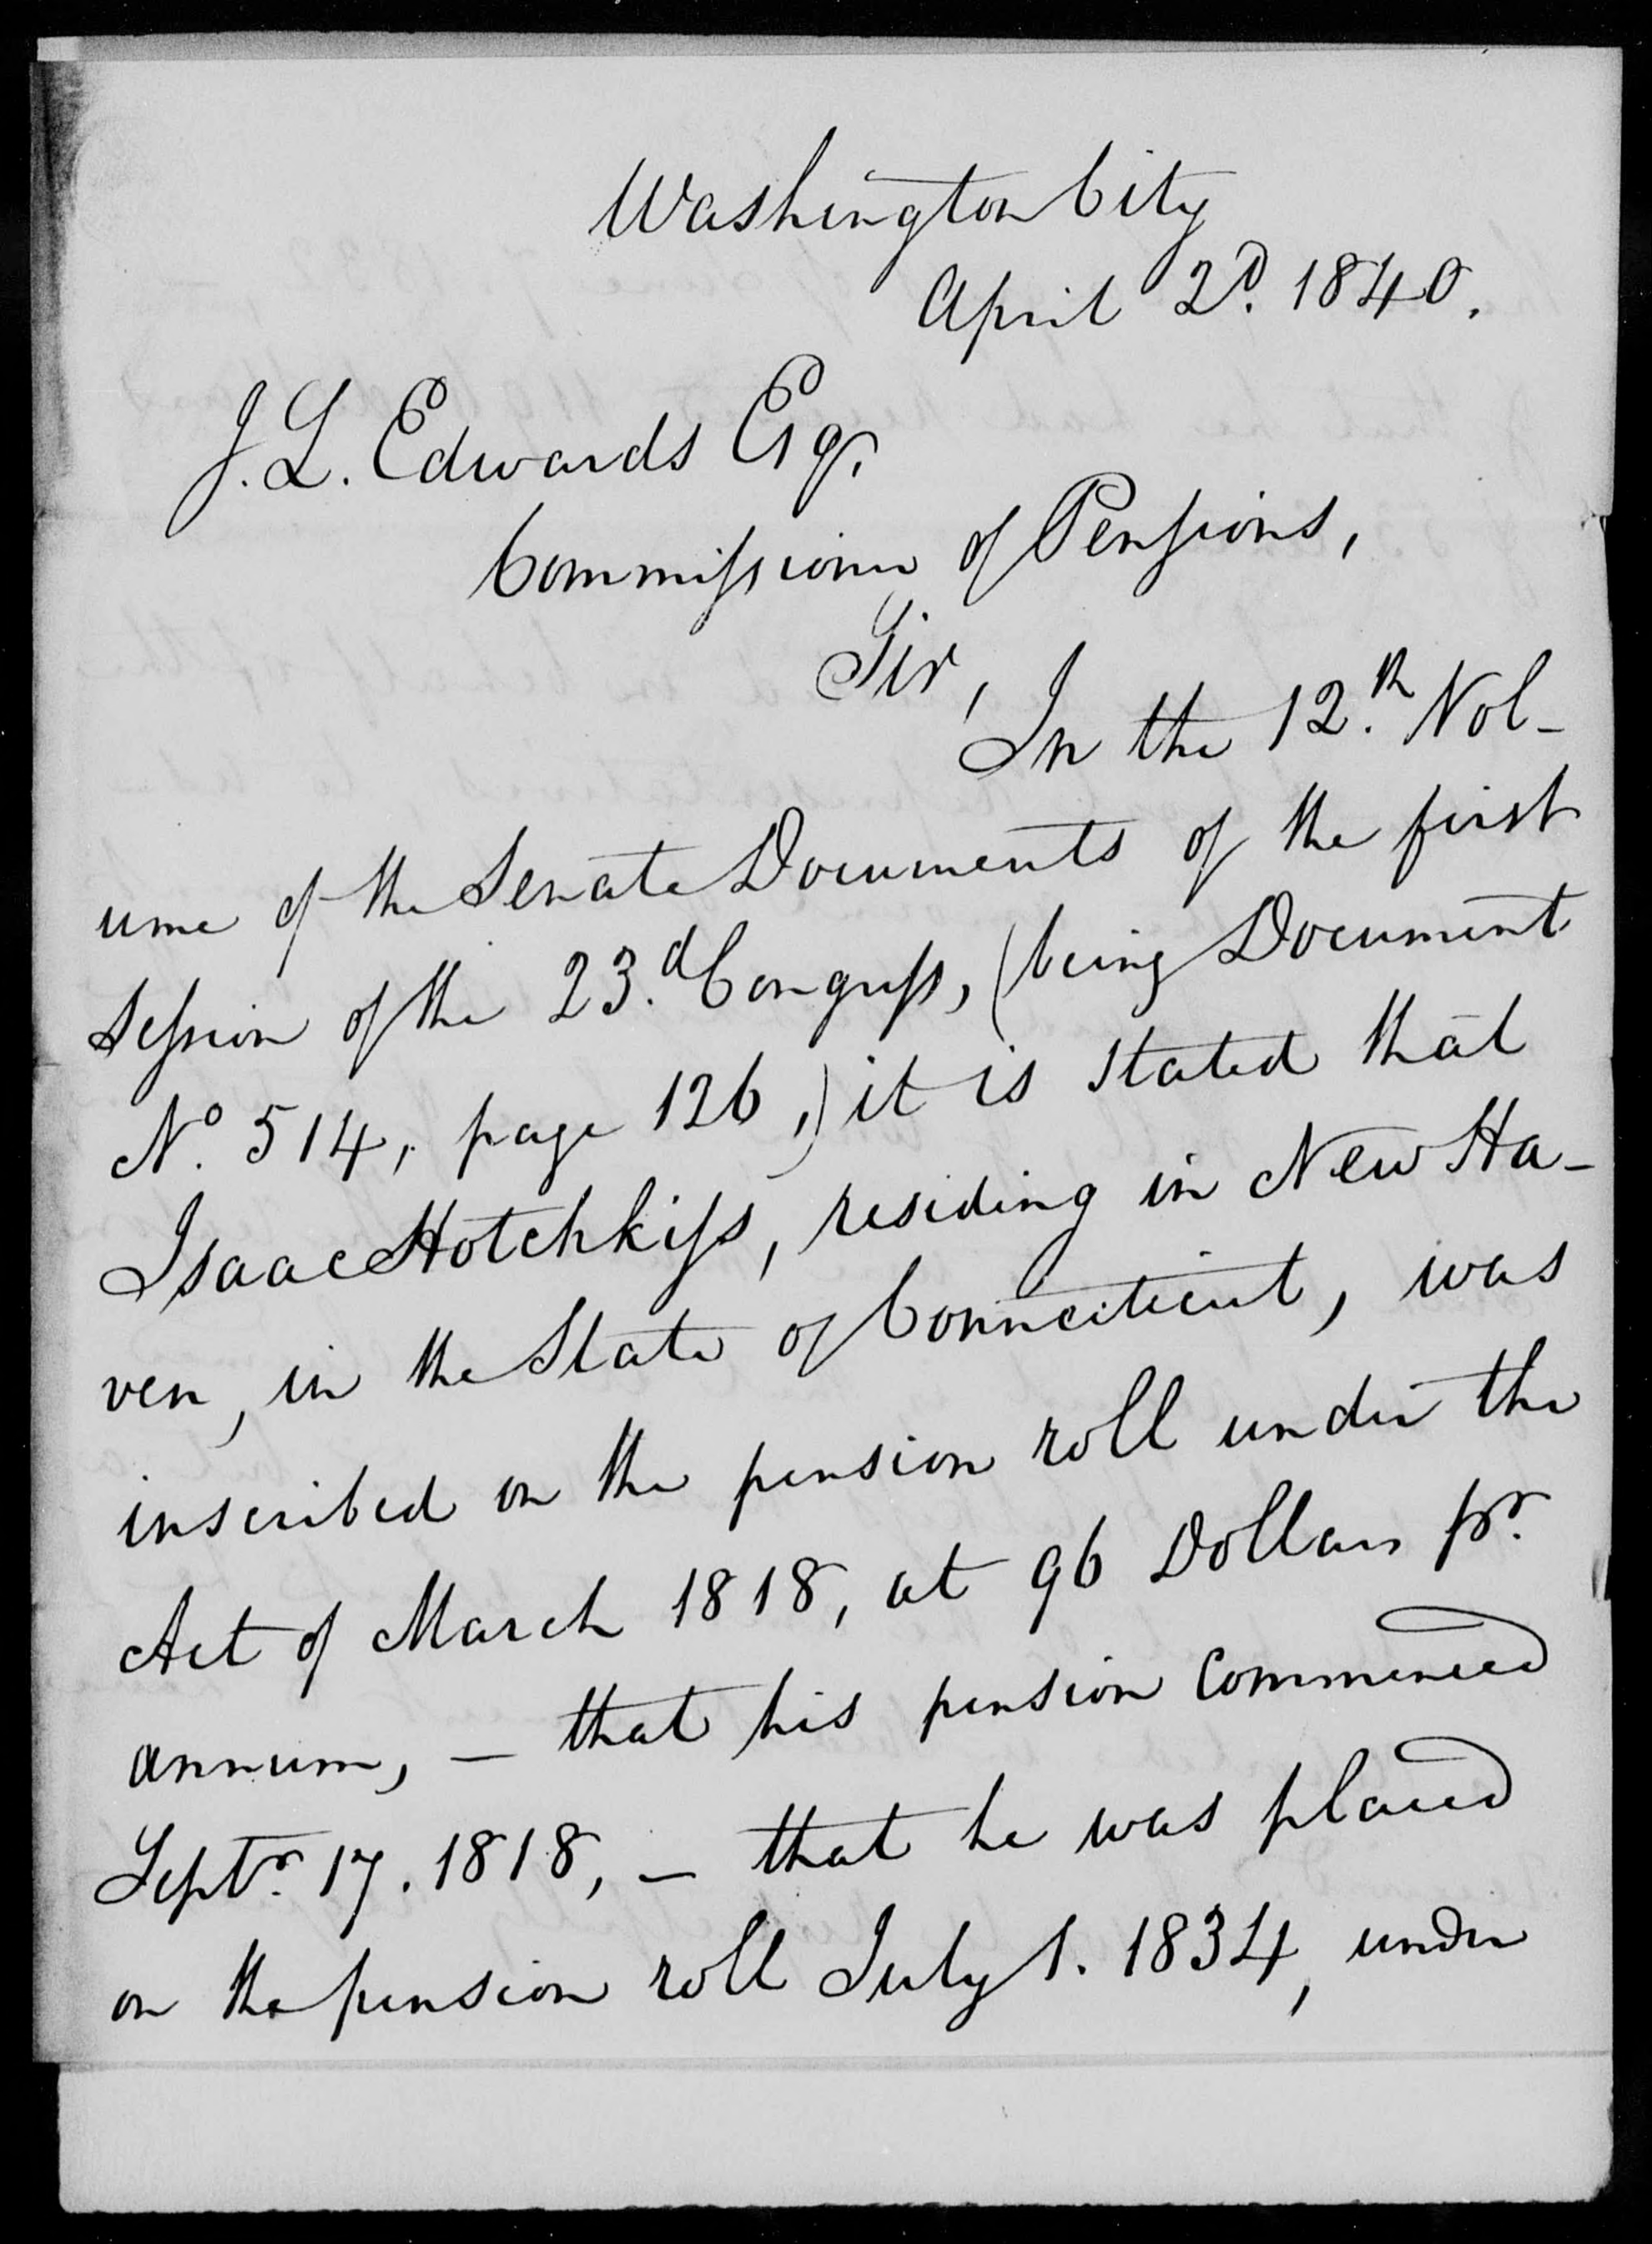Washington City 
April 20 1840
J.L. Edwards Esq.
Commissioner of Pensions
Sir, in the 12th Volume of the Senate Documents of the first Session of the 23rd Congress (being Document No. 514, Page 126) it is stated that Isaac Hotchkiss, residing in New Haven, in the State of Connecticut, was inscribed on the pension roll under the Act of March 1818, at 96 Dollars per annum, - that his pension commenced  Sept, 17. 1818,- that he was placed on the pensions roll July 7, 1834, under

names: J L Edwards, Isaac Hotchkiss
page: 20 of 25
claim: widow's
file: W. 18,021, Isaac Hotchkiss, Conn.